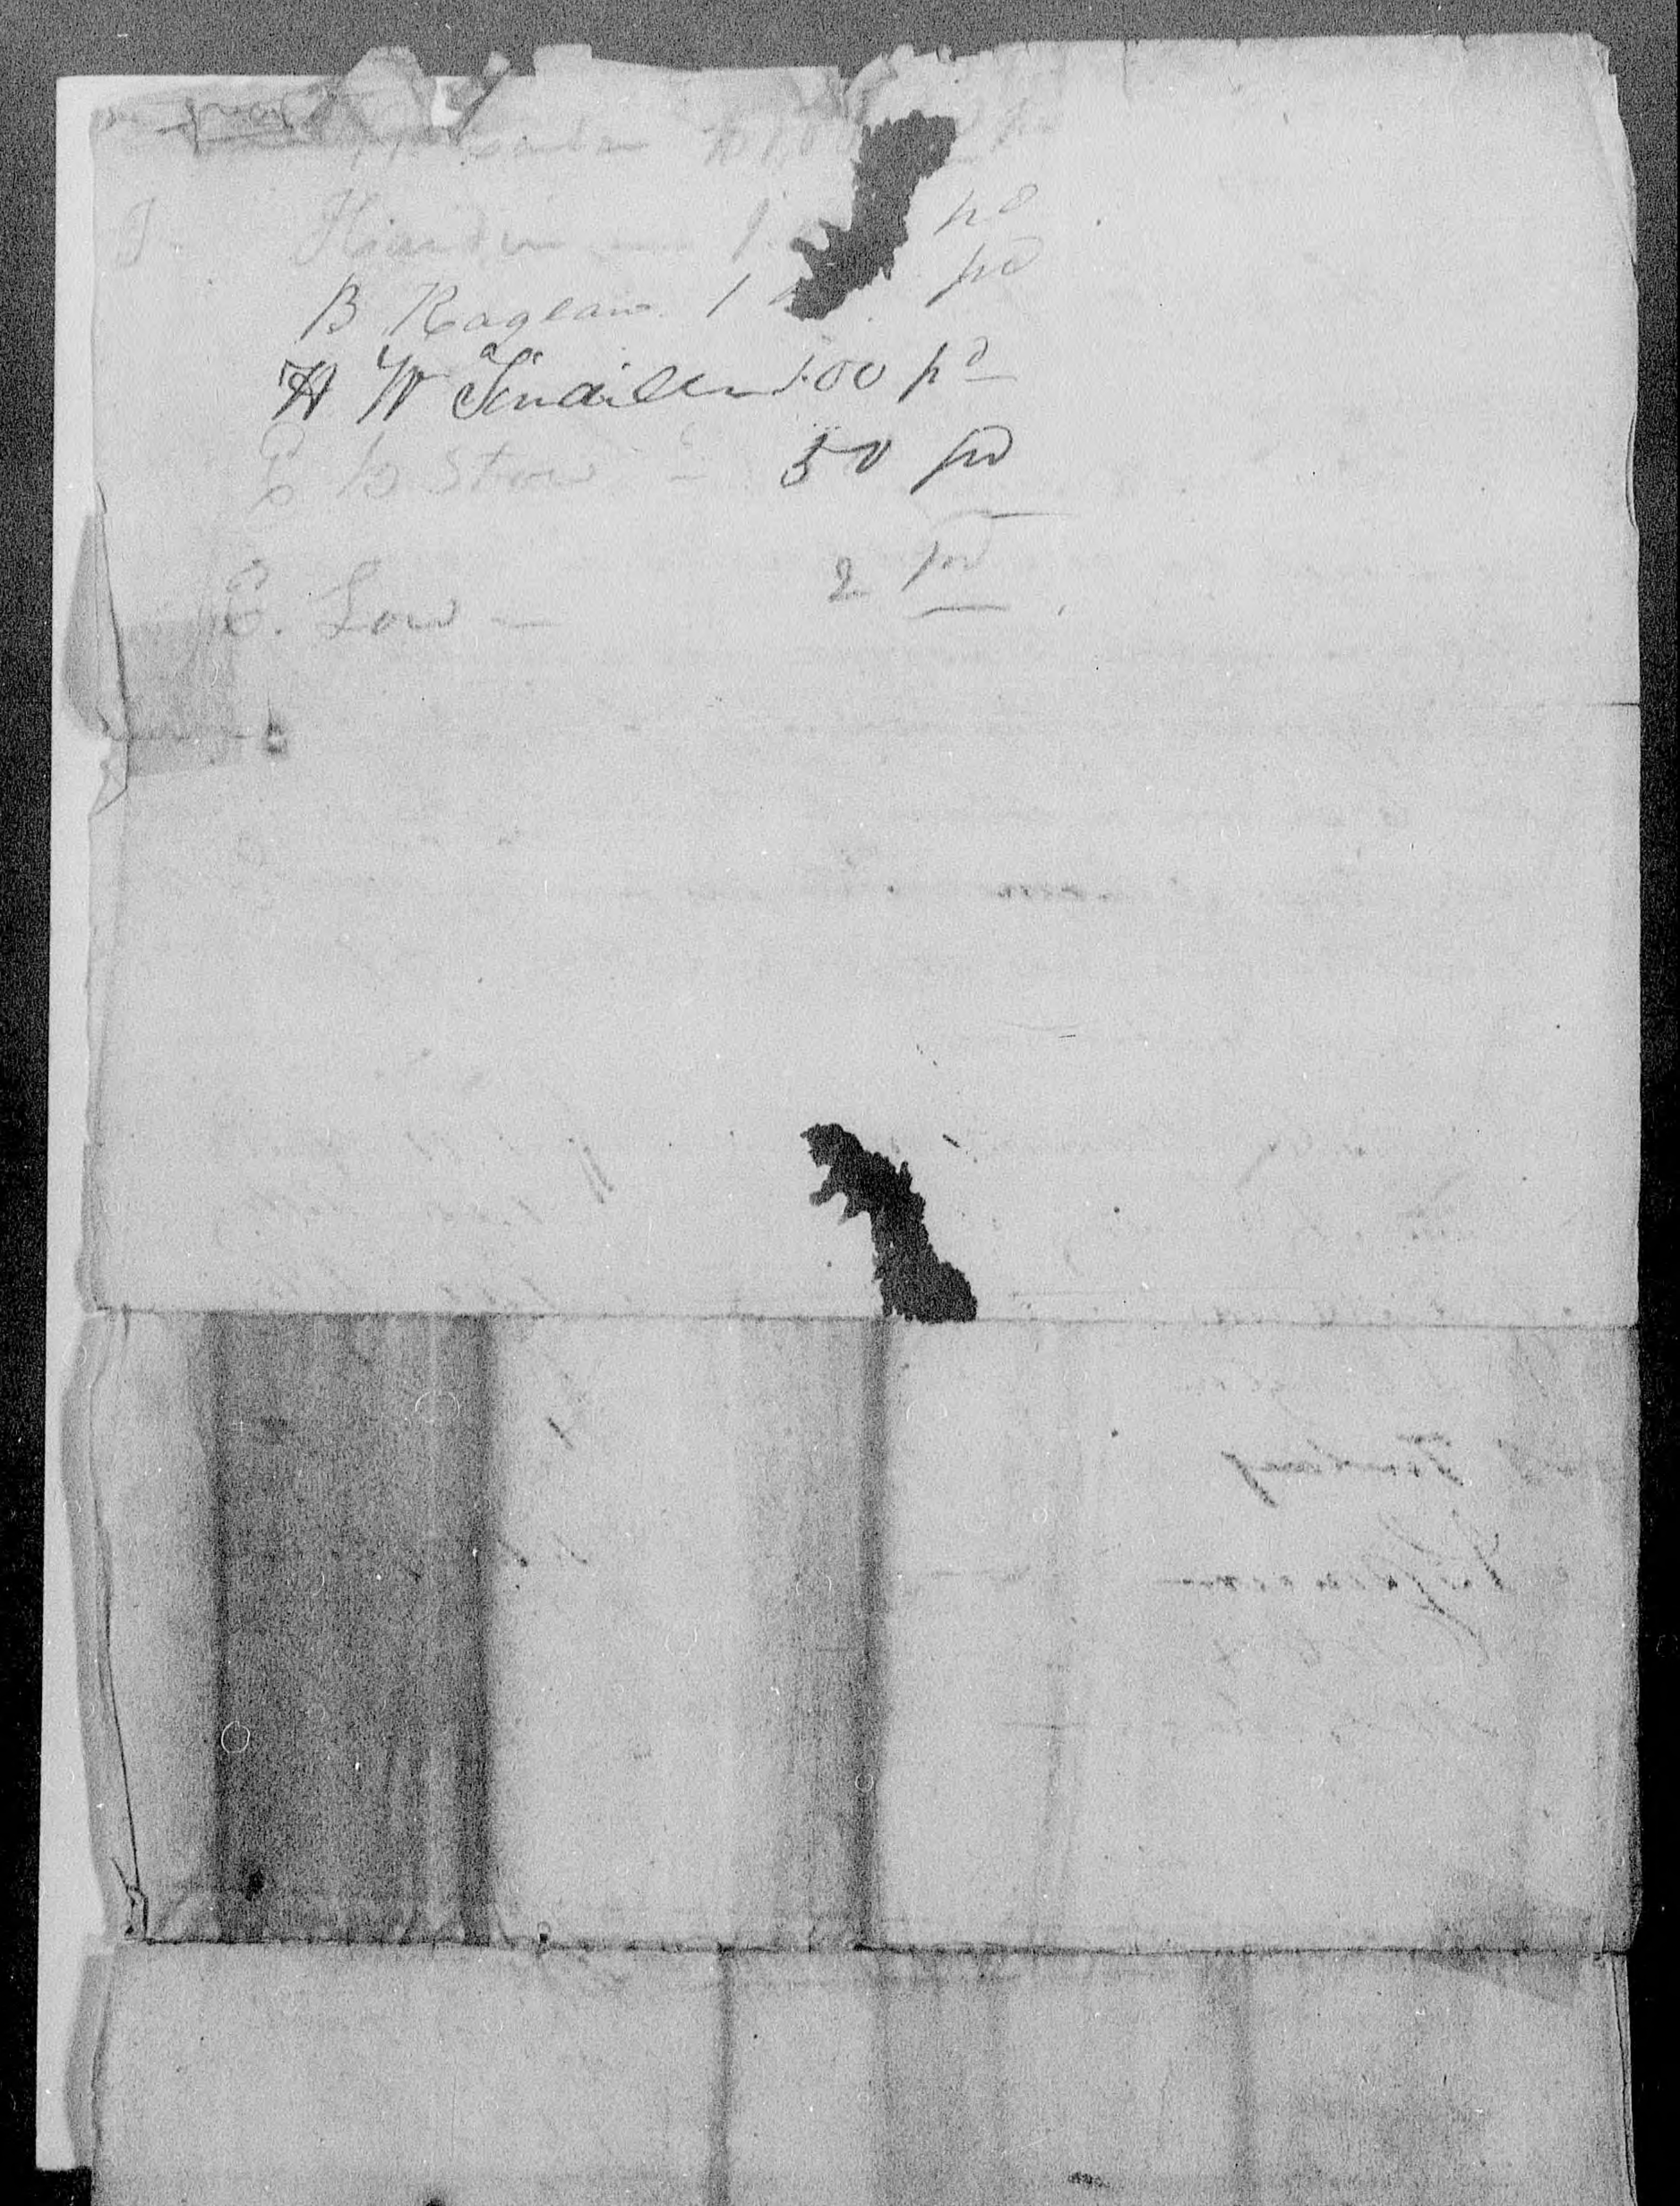B. Raglan                                     1.00 paid
H W Tindler                                 1.00 pd
H E Low                                          .50 pd
E K Store                                         .50  pd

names: B Ragland, , E K Store, H W Tindiler, H, E Low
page: 44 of 73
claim: widow's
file: W. 5,894, John Cash, Va.